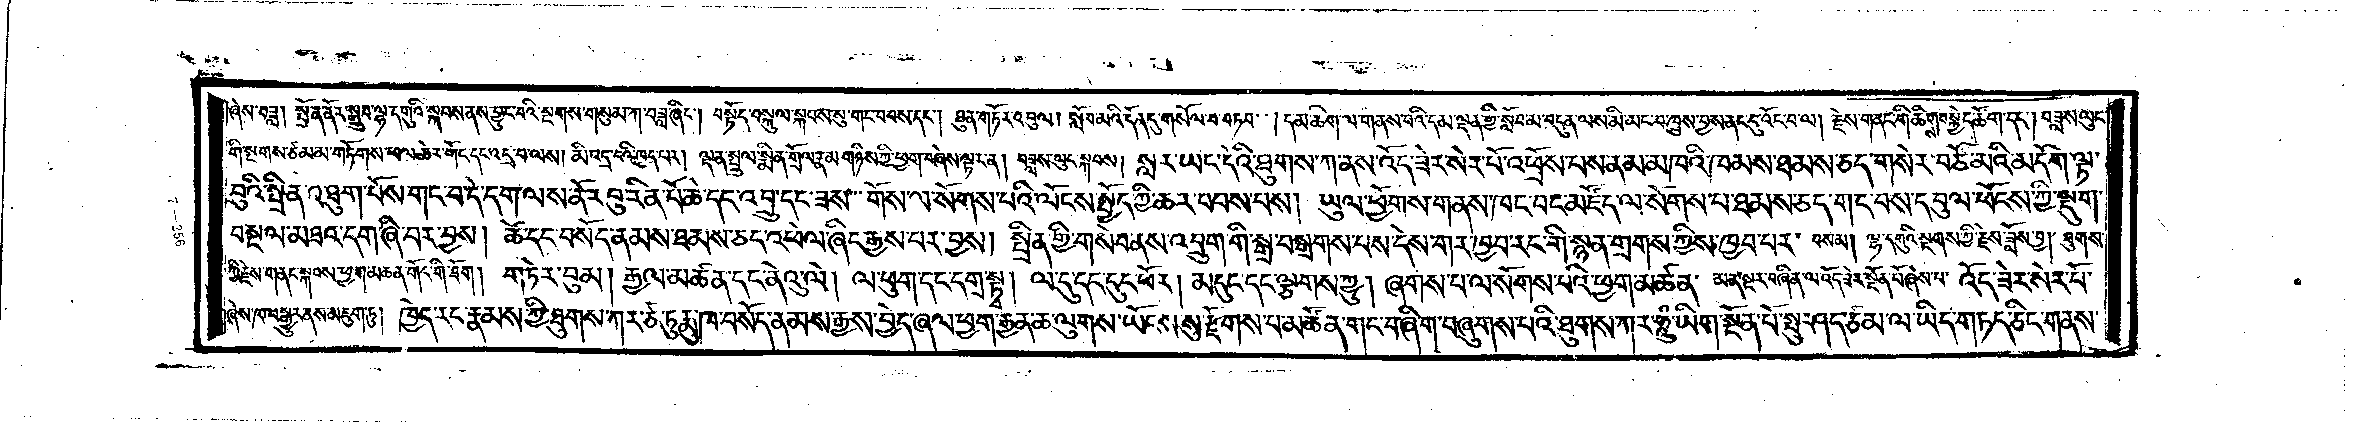ཞེས་བཟླ། སྤྲོ་ན་ནོར་སྒྲུབ་ལྷ་དགུའི་སྐབས་ནས་བྱུང་བའི་སྔགས་གསུམ་ཀ་བཟླ་ཞིང་། བསྟོད་བསྐུལ་སྐབས་སུ་གང་བབས་དང་། ཐུན་གཏོར་འབུལ། སློབ་མའི་དོན་དུ་གསོལ་བ་བཏབ། དམ་ཚིག་ལ་གནས་བའི་དམ་ལྡན་གྱི་སློབ་མ་བདུན་ལས་མི་མང་བ་ཁྲུས་བྱས་ནང་དུ་འོང་བ་ལ། རྗེས་གནང་གི་ཆིངས་བསྐྱེད་ཆོག་དང་། བཟླས་ལུང་
གི་སྔགས་ཙམ་མ་གཏོགས་ཕལ་ཆེར་གོང་དང་འདྲ་བ་ལས། མི་འདྲ་བའི་ཁྱད་པར། ལྡན་སྤྲུལ་སྨིན་གྲོལ་རྣམ་གཉིས་ཀྱི་ཕྱག་བཞེས་ལྟར་ན། བཟླས་ལུང་སྐབས། སླར་ཡང་དེའི་ཐུགས་ཀ་ནས་འོད་ཟེར་སེར་པོ་འཕྲོས་པས་ནམ་མཁའི་ཁམས་ཐམས་ཅད་གསེར་བཙོ་མའི་མདོག་ལྟ་
བུའི་སྤྲིན་འཐུག་པོས་གང་བ་དེ་དག་ལས་ནོར་བུ་རིན་པོ་ཆེ་དང་འབྲུ་དང་ཟས་གོས་ལ་སོགས་པའི་ལོངས་སྤྱོད་ཀྱི་ཆར་བབས་པས། ཡུལ་ཕྱོགས་གནས་ཁང་བང་མཛོད་ལ་སོགས་པ་ཐམས་ཅད་གང་བས་དབུལ་ཕོངས་ཀྱི་སྡུག་
བསྔལ་མཐའ་དག་ཞི་བར་བྱས། ཚེ་དང་བསོད་ནམས་ཐམས་ཅད་འཕེལ་ཞིང་རྒྱས་པར་བྱས། སྤྲིན་གྱི་གསེབ་ནས་འབྲུག་གི་སྒྲ་བསྒྲགས་པས་དེས་གར་ཁྱབ་རང་གི་སྙན་གྲགས་ཀྱིས་ཁྱབ་པར་བསམ། ལྷ་དགུའི་སྔགས་ཀྱི་རྗེས་ཟློས་བྱ། ཐུགས་
ཀྱི་རྗེས་གནང་སྐབས་ཕྱག་མཚན་གོང་གི་ཐོག ། གཏེར་བུམ། རྒྱལ་མཚན་དང་ནེའུ་ལེ། ལ་ཕུག་དང་དགྲ་སྟྭ། ལ་དུ་དང་དུང་ཕོར། མདུང་དང་ལྕགས་ཀྱུ། ཞགས་པ་ལ་སོགས་པའི་ཕྱག་མཚན་མན་སྔར་བཞིན་ལ་འོད་ཟེར་སྔོན་པོ་ཞེས་པ་འོད་ཟེར་སེར་པོ་
ཞེས་པ་བསྒྱུར་ནས་མཇུག་ཏུ།  ཁྱེད་རང་རྣམས་ཀྱི་ཐུགས་ཀར་ཙ་ཏུ་རྨུ་ཁ་བསོད་ནམས་རྒྱས་བྱེད་ཞལ་ཕྱག་རྒྱན་ཆ་ལུགས་ཡོངས་སུ་རྫོགས་འམ་མཚོན་གང་བ་ཞིག་བཞུགས་པའི་ཐུགས་ཀར་ཧཱུཾ་ཡིག་སྔོན་པོ་སྤུ་ཤད་ཙམ་ལ་ཡིད་གཏད་ཅིང་གནས་